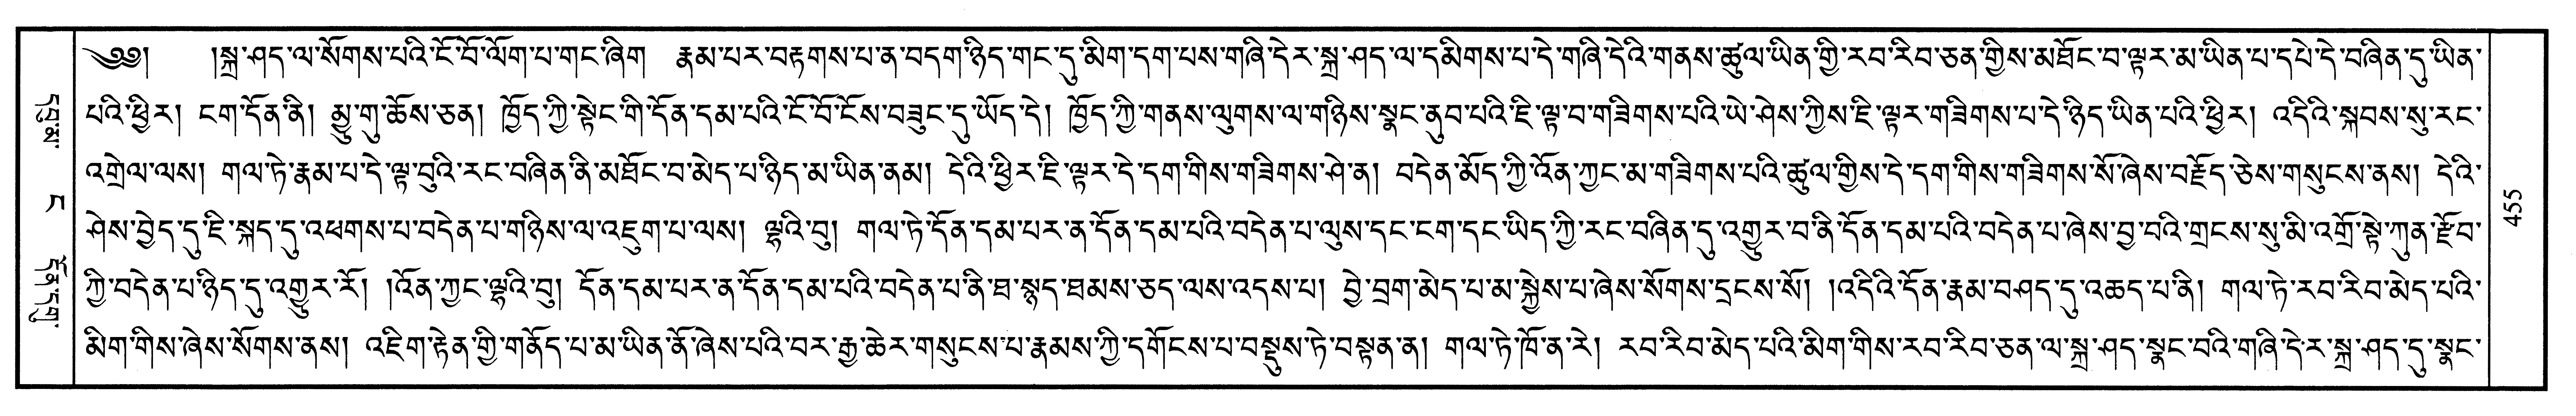༄༅། །སྐྲ་ཤད་ལ་སོགས་པའི་ངོ་བོ་ལོག་པ་གང་ཞིག་རྣམ་པར་བརྟགས་པ་ན་བདག་ཉིད་གང་དུ་མིག་དག་པས་གཞི་དེར་སྐྲ་ཤད་ལ་དམིགས་པ་དེ་གཞི་དེའི་གནས་ཚུལ་ཡིན་གྱི་རབ་རིབ་ཅན་གྱིས་མཐོང་བ་ལྟར་མ་ཡིན་པ་དཔེ་དེ་བཞིན་དུ་ཡིན་
པའི་ཕྱིར། ངག་དོན་ནི། མྱུ་གུ་ཆོས་ཅན། ཁྱོད་ཀྱི་སྟེང་གི་དོན་དམ་པའི་ངོ་བོ་ངོས་བཟུང་དུ་ཡོད་དེ། ཁྱོད་ཀྱི་གནས་ལུགས་ལ་གཉིས་སྣང་ནུབ་པའི་ཇི་ལྟ་བ་གཟིགས་པའི་ཡེ་ཤེས་ཀྱིས་ཇི་ལྟར་གཟིགས་པ་དེ་ཉིད་ཡིན་པའི་ཕྱིར། འདིའི་སྐབས་སུ་རང་
འགྲེལ་ལས། གལ་ཏེ་རྣམ་པ་དེ་ལྟ་བུའི་རང་བཞིན་ནི་མཐོང་བ་མེད་པ་ཉིད་མ་ཡིན་ནམ། དེའི་ཕྱིར་ཇི་ལྟར་དེ་དག་གིས་གཟིགས་ཤེ་ན། བདེན་མོད་ཀྱི་འོན་ཀྱང་མ་གཟིགས་པའི་ཚུལ་གྱིས་དེ་དག་གིས་གཟིགས་སོ་ཞེས་བརྗོད་ཅེས་གསུངས་ནས། དེའི་
ཤེས་བྱེད་དུ་ཇི་སྐད་དུ་འཕགས་པ་བདེན་པ་གཉིས་ལ་འཇུག་པ་ལས། ལྷའི་བུ། གལ་ཏེ་དོན་དམ་པར་ན་དོན་དམ་པའི་བདེན་པ་ལུས་དང་ངག་དང་ཡིད་ཀྱི་རང་བཞིན་དུ་འགྱུར་བ་ནི་དོན་དམ་པའི་བདེན་པ་ཞེས་བྱ་བའི་གྲངས་སུ་མི་འགྲོ་སྟེ་ཀུན་རྫོབ་
ཀྱི་བདེན་པ་ཉིད་དུ་འགྱུར་རོ། །འོན་ཀྱང་ལྷའི་བུ། དོན་དམ་པར་ན་དོན་དམ་པའི་བདེན་པ་ནི་ཐ་སྙད་ཐམས་ཅད་ལས་འདས་པ། བྱེ་བྲག་མེད་པ་མ་སྐྱེས་པ་ཞེས་སོགས་དྲངས་སོ། །འདིའི་དོན་རྣམ་བཤད་དུ་འཆད་པ་ནི། གལ་ཏེ་རབ་རིབ་མེད་པའི་
མིག་གིས་ཞེས་སོགས་ནས། འཇིག་རྟེན་གྱི་གནོད་པ་མ་ཡིན་ནོ་ཞེས་པའི་བར་རྒྱ་ཆེར་གསུངས་པ་རྣམས་ཀྱི་དགོངས་པ་བསྡུས་ཏེ་བསྟན་ན། གལ་ཏེ་ཁོ་ན་རེ། རབ་རིབ་མེད་པའི་མིག་གིས་རབ་རིབ་ཅན་ལ་སྐྲ་ཤད་སྣང་བའི་གཞི་དེར་སྐྲ་ཤད་དུ་སྣང་